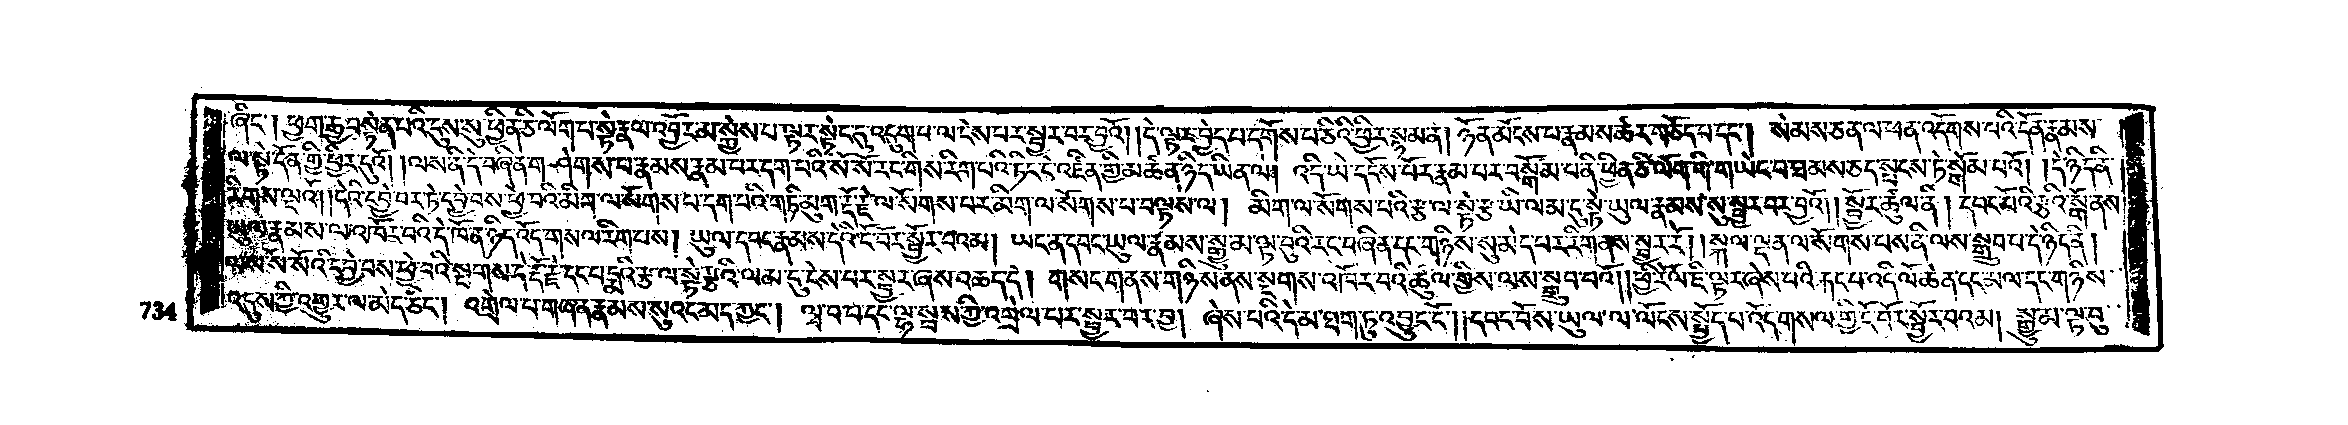ཞིང་། ཕྱག་རྒྱ་བསྟེན་པའི་དུས་སུ་ཕྱིན་ཅི་ལོག་པ་སྟེ་རྣལ་འབྱོར་མ་སྐྱེས་པ་ལྟར་སྟེང་དུ་འདུག་པ་ལ་ངེས་པར་སྦྱར་བར་བྱའོ། །དེ་ལྟར་བྱེད་པ་དགོས་པ་ཅིའི་ཕྱིར་སྙམ་ན། ཉོན་མོངས་པ་རྣམས་ཚར་གཅོད་པ་དང་། སེམས་ཅན་ལ་ཕན་འདོགས་པའི་དོན་རྣམས་
ལ་སྟེ་དོན་གྱི་ཕྱིར་དུའོ། །ལས་ནི་དེ་བཞིན་གཤེགས་པ་རྣམས་རྣམ་པར་དག་པའི་སོ་སོ་རང་གིས་རིག་པའི་ཏིང་ངེ་འཛིན་གྱི་མཚན་ཉིད་ཡིན་ལ། འདི་ཡི་དངོས་པོར་རྣམ་པར་བསྒོམ་པ་ནི་ཕྱིན་ཅི་ལོག་གི་གཡེང་བ་ཐམས་ཅད་སྤངས་ཏེ་སྒོམ་པའོ། །དེ་ཉིད་ནི་
རིགས་ལྔའོ། །དེའི་དབྱེ་བར་ཏེ་དབྱེ་བས་ཕྱེ་བའི་མིག་ལ་སོགས་པ་དག་པའི་གཏི་མུག་རྡོ་རྗེ་ལ་སོགས་པར་མིག་ལ་སོགས་པ་བལྟས་ལ། མིག་ལ་སོགས་པའི་རྩ་ལ་སྟེ་རྩ་ཡི་ལམ་དུ་སྟེ་ཡུལ་རྣམས་སུ་སྦྱར་བར་བྱའོ། །སྦྱོར་ཚུལ་ནི། དབང་པོའི་རྩའི་སྒོ་ནས་
ཡུལ་རྣམས་ལ་འཁོར་བའི་དེ་ཁོ་ན་ཉིད་འོད་གསལ་རིག་པས། ཡུལ་དབང་རྣམས་དེའི་ངོ་བོར་སྦྱོར་བའམ། ཡང་ན་དབང་ཡུལ་རྣམས་སྒྱུ་མ་ལྟ་བུའི་རང་བཞིན་དང་གཉིས་སུ་མེད་པར་རིག་ནས་སྦྱར་རོ། །སྐལ་ལྡན་ལ་སོགས་པས་ནི་ལས་སྒྲུབ་པ་དེ་ཉིད་ནི།
ལས་སོ་སོའི་དབྱེ་བས་ཕྱེ་བའི་སྔགས་དེ་རྡོ་རྗེ་དང་པདམའི་རྩ་ལ་སྟེ་རྩའི་ལམ་དུ་ངེས་པར་སྦྱར་ཞས་འཆད་དེ། གསང་གནས་གཉིས་ནས་སྔགས་འཁོར་བའི་ཚུལ་གྱིས་ལས་སྒྲུབ་པའོ། །ཕྱི་རོལ་ཇི་ལྟར་ཞེས་པའི་རྐང་པ་འདི་ལོ་ཆེན་དང་མལ་དང་གཉིས་
འདུས་ཀྱི་འགྱུར་ལ་མེད་ཅིང་། འགྲེལ་པ་གཞན་རྣམས་སུའང་མེད་ཀྱང་། ལྭ་བ་པ་དང་ལྷ་སྦས་ཀྱི་འགྲེལ་པར་སྦྱར་བར་བྱ། ཞེས་པའི་དེ་མ་ཐག་ཏུ་འབྱུང་ངོ། །དབང་པོས་ཡུལ་ལ་ལོངས་སྤྱོད་པ་འོད་གསལ་གྱི་ངོ་བོར་སྦྱོར་བའམ། སྒྱུ་མ་ལྟ་བུ་